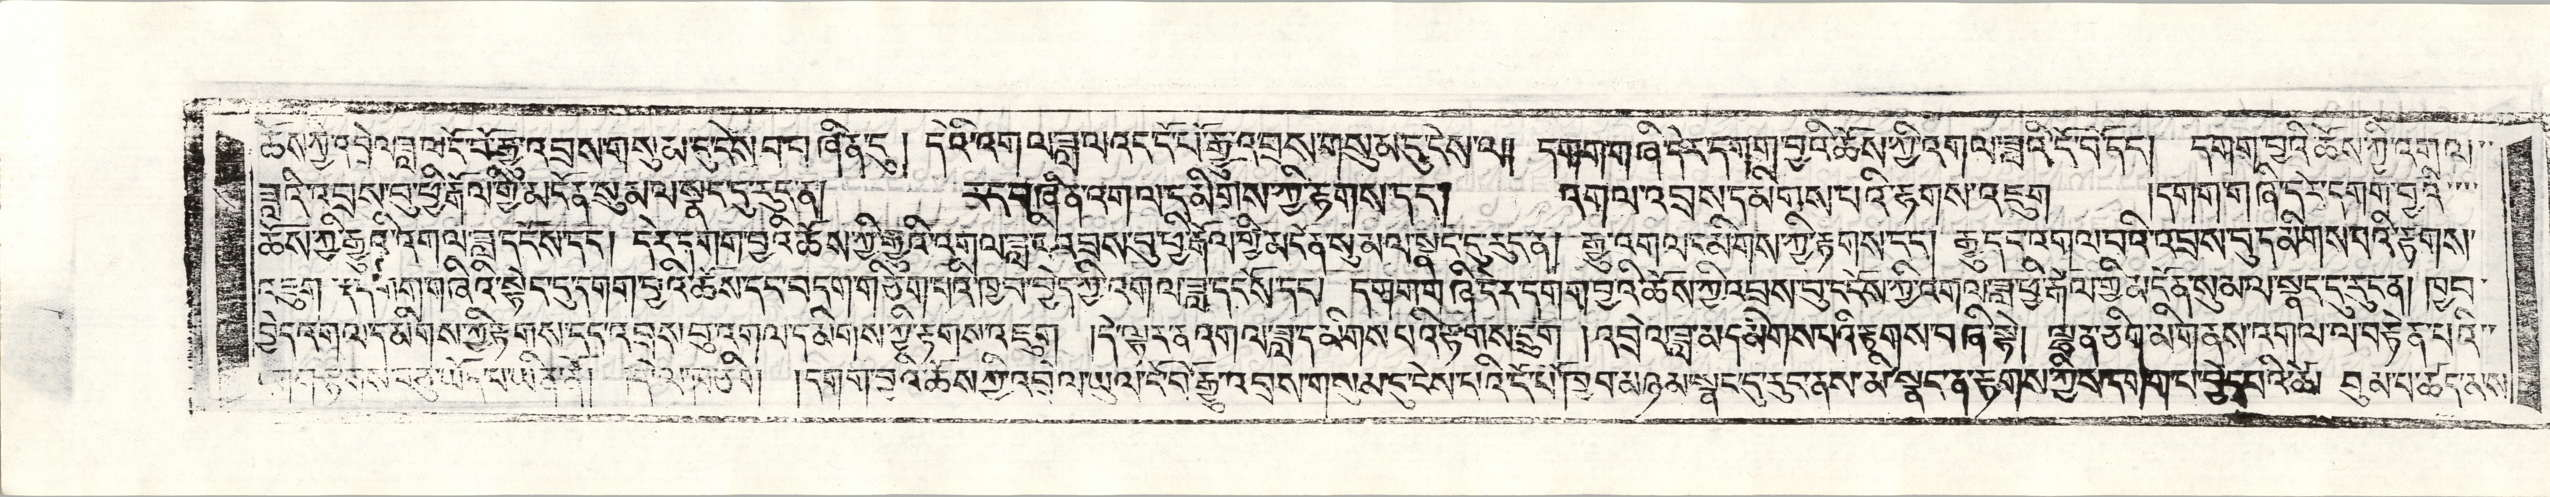ཆོས་ཀྱི་འབྲེལ་ཟླ་ལ་ངོ་བོ་རྒྱུ་འབྲས་གསུམ་དུ་ངེས་པ་བཞིན་དུ། དེའི་འགལ་ཟླ་ལའང་ངོ་བོ་རྒྱུ་འབྲས་གསུམ་དུ་ངེས་ལ། དགག་གཞི་དེར་དགག་བྱའི་ཆོས་ཀྱི་འགལ་ཟླའི་ངོ་བོ་དང་། དགག་བྱའི་ཆོས་ཀྱི་འགལ་
ཟླའི་འབྲས་བུ་ཕྱི་རྒོལ་གྱི་མངོན་སུམ་ལ་སྣང་དུ་རུང་ན། རང་བཞིན་འགལ་དམིགས་ཀྱི་རྟགས་དང་། འགལ་འབྲས་དམིགས་པའི་རྟགས་འཇུག །དགག་གཞི་དེར་དགག་བྱའི་
ཆོས་ཀྱི་རྒྱུའི་འགལ་ཟླ་དངོས་དང་། དེར་དགག་བྱའི་ཆོས་ཀྱི་རྒྱུའི་འགལ་ཟླ་འི་འབྲས་བུ་ཕྱི་རྒོལ་གྱི་མངོན་སུམ་ལ་སྣང་དུ་རུང་ན། རྒྱུ་འགལ་དམིགས་ཀྱི་རྟགས་དང་། རྒྱུ་དང་འགལ་བའི་འབྲས་བུ་དམིགས་པའི་རྟགས་
འཇུག་དགག་གཞིའི་སྟེང་དུ་དགག་བྱའི་ཆོས་དང་བདག་གཅིག་པའི་ཁྱབ་བྱེད་ཀྱི་འགལ་ཟླ་དངོས་དང་། དགག་གཞི་དེར་དགག་བྱའི་ཆོས་ཀྱི་འབྲས་བུ་དངོས་ཀྱི་འགལ་ཟླ་ཕྱི་རྒོལ་གྱི་མངོན་སུམ་ལ་སྣང་དུ་རུང་ན། ཁྱབ་
བྱེད་འགལ་དམིགས་ཀྱི་རྟགས་དང་འབྲས་བུ་འགལ་དམིགས་ཀྱི་རྟགས་འཇུག །དེ་ལྟར་ན་འགལ་ཟླ་དམིགས་པའི་རྟགས་དྲུག །འབྲེལ་ཟླ་མ་དམིགས་པའི་རྟགས་བཞི་སྟེ། ལྷན་ཅིག་མི་གནས་འགལ་ལ་བརྟེན་པའི་
དགག་རྟགས་བཅུ་ཡོད་པ་ཡིན་ནོ། །དེ་ལ་ཁ་ཅིག །དགག་བྱའི་ཆོས་ཀྱི་འབྲེལ་ཡུལ་ངོ་བོ་རྒྱུ་འབྲས་གསུམ་དུ་ངེས་པའི་ངོ་བོ་ཁྱབ་མཉམ་སྣང་དུ་རུང་ནས་མི་སྣང་ན་རྟགས་ཀྱིས་དགག་པ་བྱེད་པའི་ཚེ། བུམ་པ་ཚད་མས་